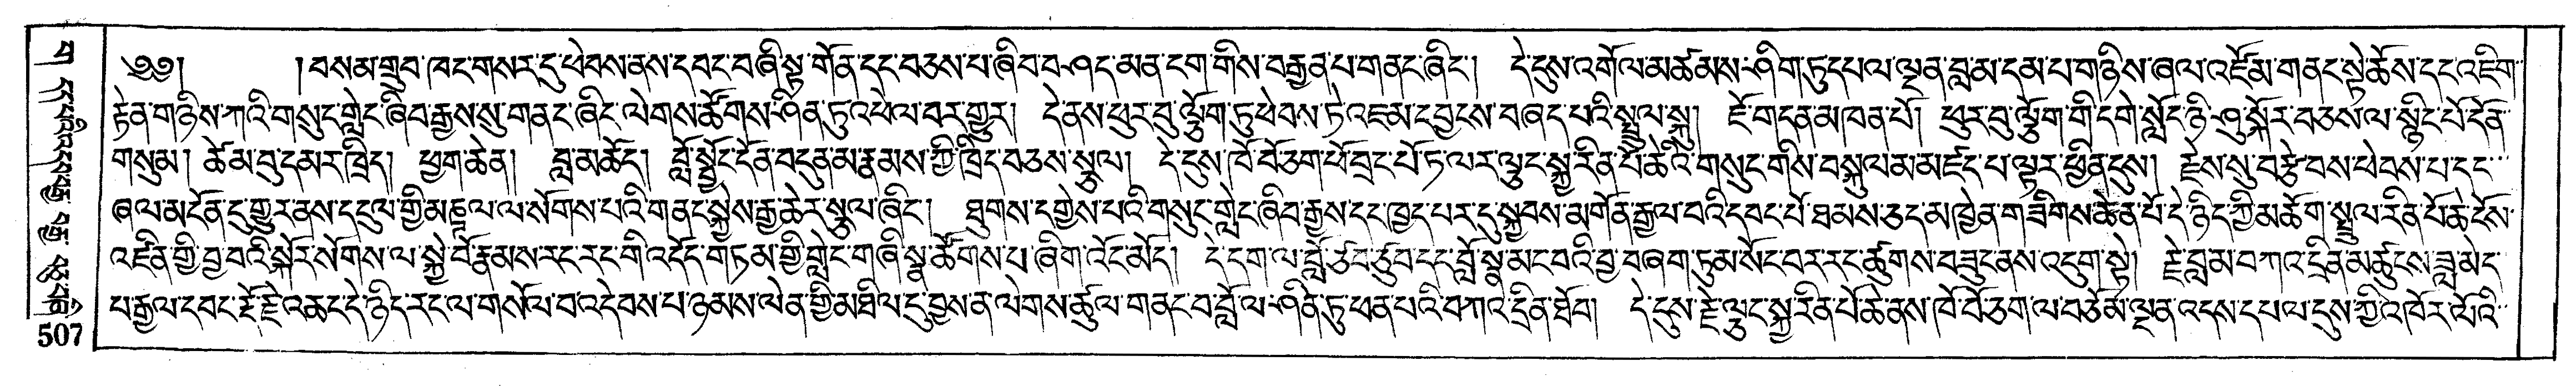༄༅། །བསམ་གྲུབ་ཁང་གསར་དུ་ཕེབས་ནས་དབང་བཞི་སྟ་གོན་དང་བཅས་བ་ཞིབ་བཤད་མན་ངག་གིས་བརྒྱན་པ་གནང་ཞིང་། དེ་དུས་འགོལ་མཚམས་ཤིག་ཏུ་དཔལ་ལྡན་བླ་མ་དམ་པ་གཉིས་ཞལ་འཛོམ་གནང་སྟེ་ཆོས་དང་འཇིག་
རྟེན་གཉིས་ཀའི་གསུང་གླེང་ཞིབ་རྒྱས་སུ་གནང་ཞིང་ལེགས་ཚོགས་ཤིན་ཏུ་འཕེལ་བར་གྱུར། དེ་ནས་ཕུར་བུ་ལྕོག་ཏུ་ཕེབས་ཏེ་འཇམ་དབྱངས་བཞད་པའི་སྤྲུལ་སྐུ། ཇོ་གདན་མཁན་པོ། ཕུར་བུ་ལྕོག་གི་དགེ་སློང་ཉི་ཤུ་སྐོར་བཅས་ལ་སྙིང་པོ་དོན་
གསུམ། ཚེམ་བུ་དམར་ཁྲིད། ཕྱག་ཆེན། བླ་མཆོད། བློ་སྦྱོང་དོན་བདུན་མ་རྣམས་ཀྱི་ཁྲིད་བཅས་སྩལ། དེ་དུས་ཁོ་བོ་ཅག་ཕོ་བྲང་པོ་ཏ་ལར་ལྕང་སྐྱ་རིན་པོ་ཆེའི་གསུང་གིས་བསྐུལ་མ་མཛད་པ་ལྟར་ཕྱིན་དུས། རྗེས་སུ་བརྩེ་བས་ཕེབས་པ་དང་
ཞལ་མངོན་དུ་གྱུར་ནས་དངུལ་གྱི་མཎྜལ་ལ་སོགས་པའི་གནང་སྐྱེས་རྒྱ་ཆེར་སྩལ་ཞིང་། ཐུགས་དགྱེས་པའི་གསུང་གླེང་ཞིབ་རྒྱས་དང་ཁྱད་པར་དུ་སྐྱབས་མགོན་རྒྱལ་བའི་དབང་པོ་ཐམས་ཅད་མཁྱེན་གཟིགས་ཆེན་པོ་དེ་ཉིད་ཀྱི་མཆོག་སྤྲུལ་རིན་པོ་ཆེ་ངོས་
འཛིན་གྱི་བྱ་བའི་སྐོར་སོགས་ལ་སྐྱེ་བོ་རྣམས་རང་རང་གི་འདོད་གཏམ་གྱི་གླེང་གཞི་སྣ་ཚོགས་པ་ཞིག་འོང་མོང་། དེ་དག་ལ་བློ་ཙབ་ཙུབ་དང་བློ་སྣ་མང་བའི་བྱ་བཞག་ཏུ་མ་སོང་བར་རང་ཚུགས་བཟུང་ནས་འདུག་སྟེ། རྗེ་བླ་མ་བཀའ་དྲིན་མཚུངས་ཟླ་མེད་
བརྒྱལ་དབང་རྡོ་རྗེ་འཆང་དེ་ཉིད་རང་ལ་གསོལ་བ་འདེབས་པ་ཉམས་ལེན་གྱི་མཐིལ་དུ་བྱས་ན་ལེགས་ཚུལ་གནང་བ་བློ་ལ་ཤིན་ཏུ་ཕན་བའི་བཀའ་དྲིན་ཐོབ། དེ་དུས་རྗེ་ལྕང་སྐྱ་རིན་པོ་ཆེ་ནས་ཁོ་བོ་ཅག་ལ་བཅོམ་ལྡན་འདས་དཔལ་དུས་ཀྱི་འཁོར་ལོའི་